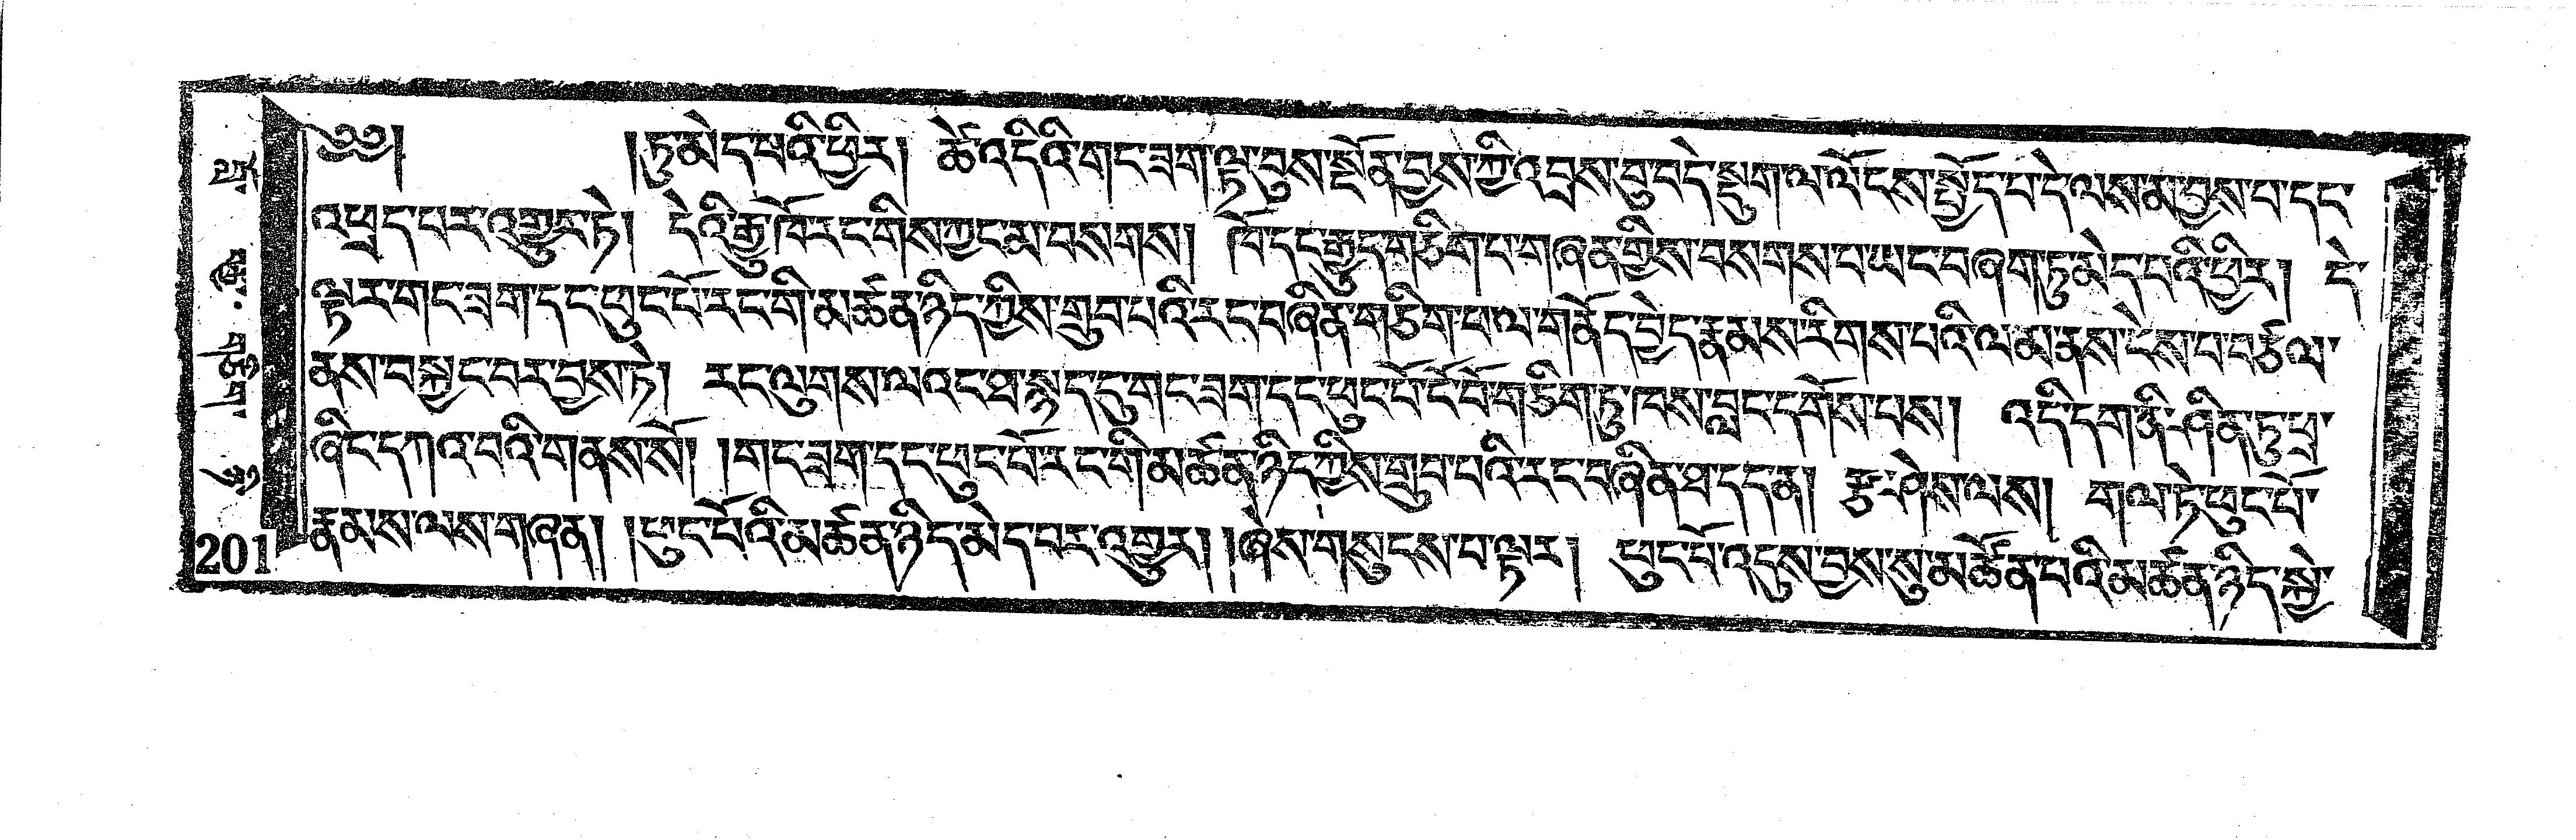༄༅། །ཏུ་མེད་པའི་ཕྱིར། ཚེ་འདིའི་གང་ཟག་ལྟ་བུས་སྔོན་བྱས་ཀྱི་འབྲས་བུ་བདེ་སྡུག་ལ་ལོངས་སྤྱོད་པ་དེ་ལས་མ་བྱས་པ་དང་
འཕྲད་པར་འགྱུར་ཏེ། དེའི་རྒྱུ་ཁོ་རང་གིས་ཀྱང་མ་བསགས། ཁོ་དང་རྒྱུད་གཅིག་པ་གཞན་གྱིས་བསགས་པ་ཡང་བཞག་ཏུ་མེད་པའི་ཕྱིར། དེ་
ལྟར་གང་ཟག་དང་ཕུང་པོ་རང་གི་མཚན་ཉིད་ཀྱིས་གྲུབ་པའི་རང་བཞིན་གཅིག་པ་ལ་གནོད་བྱེད་རྣམས་རིགས་པའི་ལམ་ནས་ངེས་པ་བཙལ་
ནས་བསྐྱང་བར་བྱས་ཏེ། རང་ལུགས་ལའང་ཐ་སྙད་དུ་གང་ཟག་དང་ཕུང་པོ་ངོ་བོ་གཅིག་ཏུ་ཁས་བླང་དགོས་པས། འདི་དག་ནི་ཤིན་ཏུ་ཕྲ་
ཞིང་དཀའ་བའི་གནས་སོ། །གང་ཟག་དང་ཕུང་པོ་རང་གི་མཚན་ཉིད་ཀྱིས་གྲུབ་པའི་རང་བཞིན་ཐ་དད་ན། རྩ་ཤེས་ལས། གལ་ཏེ་ཕུང་པོ་
རྣམས་ལས་གཞན། །ཕུང་པོའི་མཚན་ཉིད་མེད་པར་འགྱུར། །ཞེས་གསུངས་པ་ལྟར། ཕུང་པོ་འདུས་བྱས་སུ་མཚོན་པའི་མཚན་ཉིད་སྐྱེ་